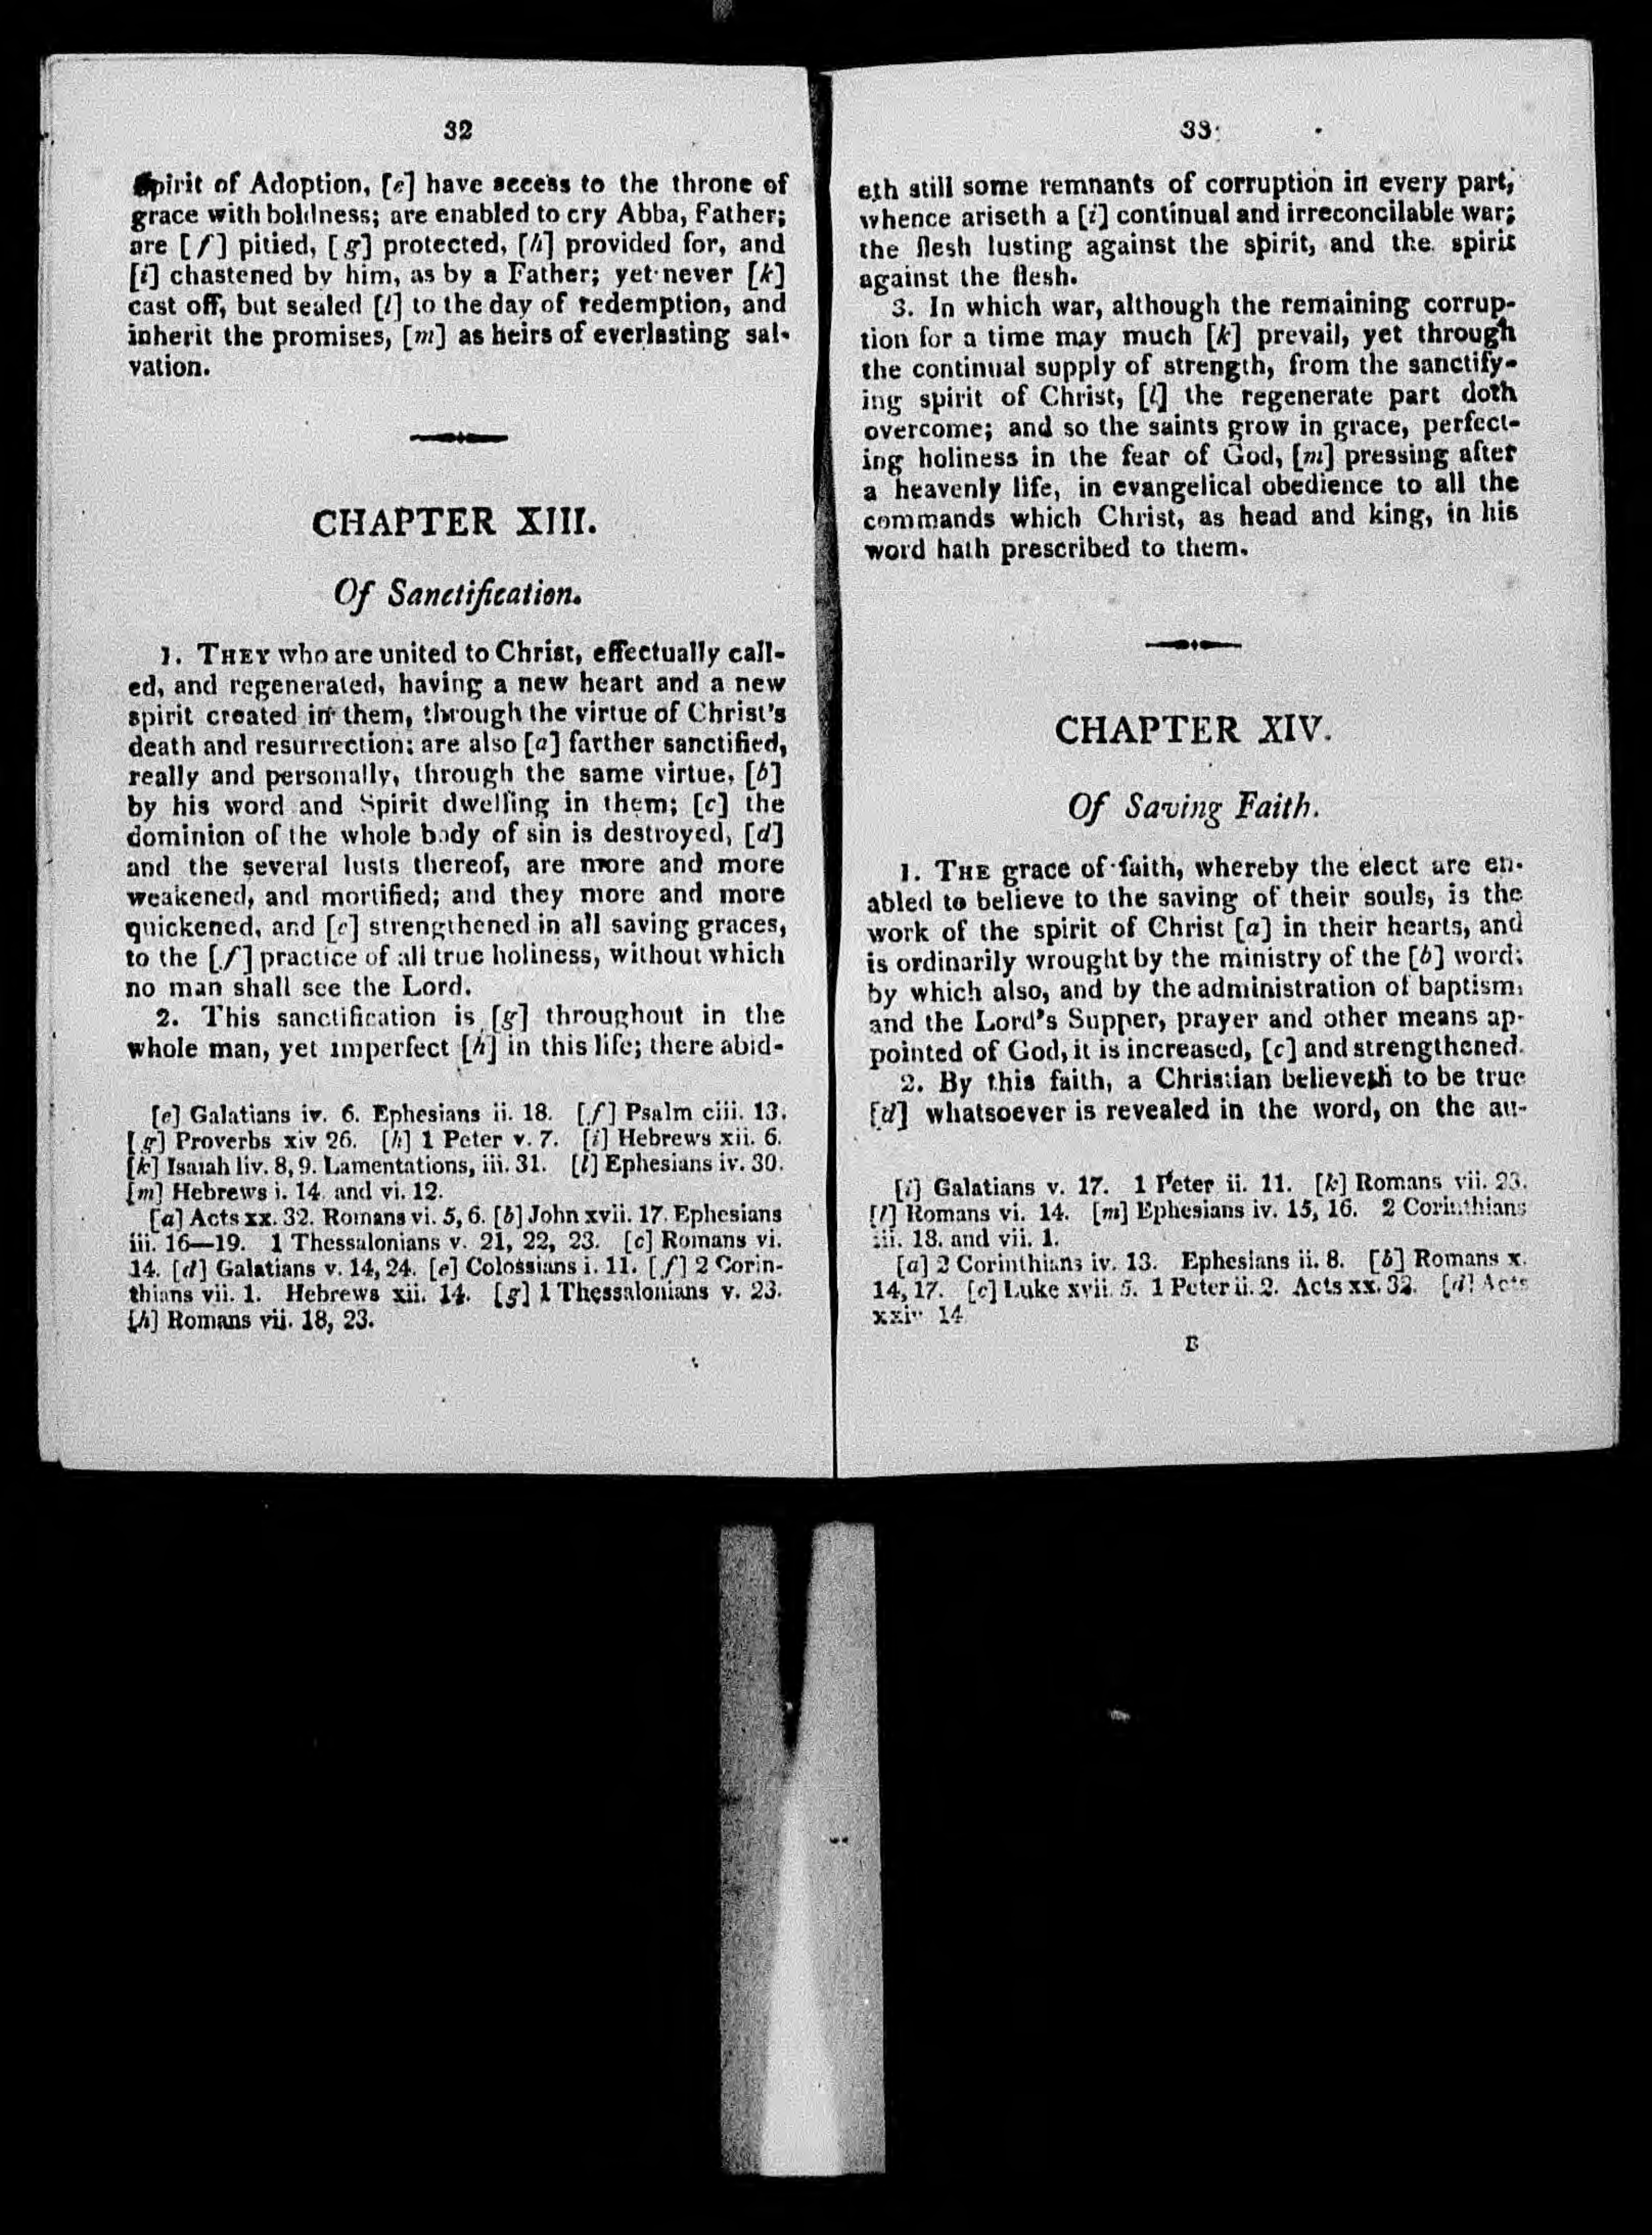33

Spirit of Adoption, [e] have access to the throne of grace with boldness; are enabled to cry Abba, Father; are [f] pitied, [g] protected, [h] provided for, and [i] chastened by him, as by a Father; yet never [k] cast off, but sealed [l] to the day of redemption, and inherit the promises, [m] as heirs of everlasting salvation.

CHAPTER XIII.

On Sanctification.

1. THEY who are united to Christ, effectually called, and regenerated, having a new heart and a new spirit created in them, through the virtue of Christ's death and resurrection; are also [a] further sanctified, really and personally, through the same virtue, [b] by his word and Spirit dwelling in them; [c] the dominion of the whole body of sin is destroyed, [d] and the several lusts thereof, are more and more weakened, and mortified; and they more and more quickened, and [e] strengthened in all saving graces, to the [f] practice of all true holiness, without which no man shall see the Lord.
2. This sanctification is [g] throughout in the whole man, yet imperfect [h] in this life; there abid-

[e] Galatians iv. 6. Ephesians ii. 18. [f] Psalm ciii. 13. [g] Proverbs xiv 26. [h] 1 Peter v. 7. [i] Hebrews xii. 6. [k] Isaish liv. 8, 9. Lamentations, iii. 31. [l] Ephesians iv. 30. [m] Hebrews i. 14. and vi. 12.
[a] Acts xx. 32. Romans vi. 5, 6. [b] John xvii. 17. Ephesians iii. 16-19. 1 Thessalonians v. 21, 22, 23. [c] Romans vi. 14. [d] Galatians v. 14, 24. [e] Colossians i. 11. [f] 2 Corinthians vii. 1. Hebrews xii. 14. [g] 1 Thessalonians v. 23. [h] Romans vii. 18, 23.

33

eth still some remnants of corruption in every part, whence ariseth a [i] continual and irreconcilable war; the flesh lusting against the spirit, and the spirit against the flesh.
3. In which war, although the remaining corruption for a time may much [k] prevail, yet through the continual supply of strength, from the sanctifying spirit of Christ, [f] the regenerate part doth overcome; and so the saints grow in grace, perfecting holiness in the fear of God, [m] pressing after a heavenly life, in evangelical obedience to all the commands which Christ, as head and king, in his  word hath prescribed to them.

CHAPTER XIV.

Of Saving Faith.

1. THE grace of faith, whereby the elect are enabled to believe to the saving of their souls, is the work of the spirit of Christ [a] in their hearts, and is ordinarily wrought by the ministry of the [b] word; by which also, and by the administration of baptism, and the Lord's Supper, prayer and other means appointed of God, it is increased, [c] and strengthened.
2. By this faith, a Christian believeth to be true [d] whatsoever is revealed in the word, on the au-

[i] Galatians v. 17. 1 Peter ii. 11. [k] Romans vii. 23. [l] Romans vi. 14. [m] Ephesians iv. 15, 16. 2 Corinthians iii. 18. and vii. 1.
[a] 2 Corinthians iv. 13. Ephesians ii. 8. [b] Romans x. 14, 17. [c] Luke xvii. 5. 1 Peter ii. 2. Acts xx. 32. [d] Acts xxiv. 14.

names: Luke, Isaiah, Peter, Peter, John, Peter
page: 28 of 98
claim: widow's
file: W. 8398, William Broadway, S.C.